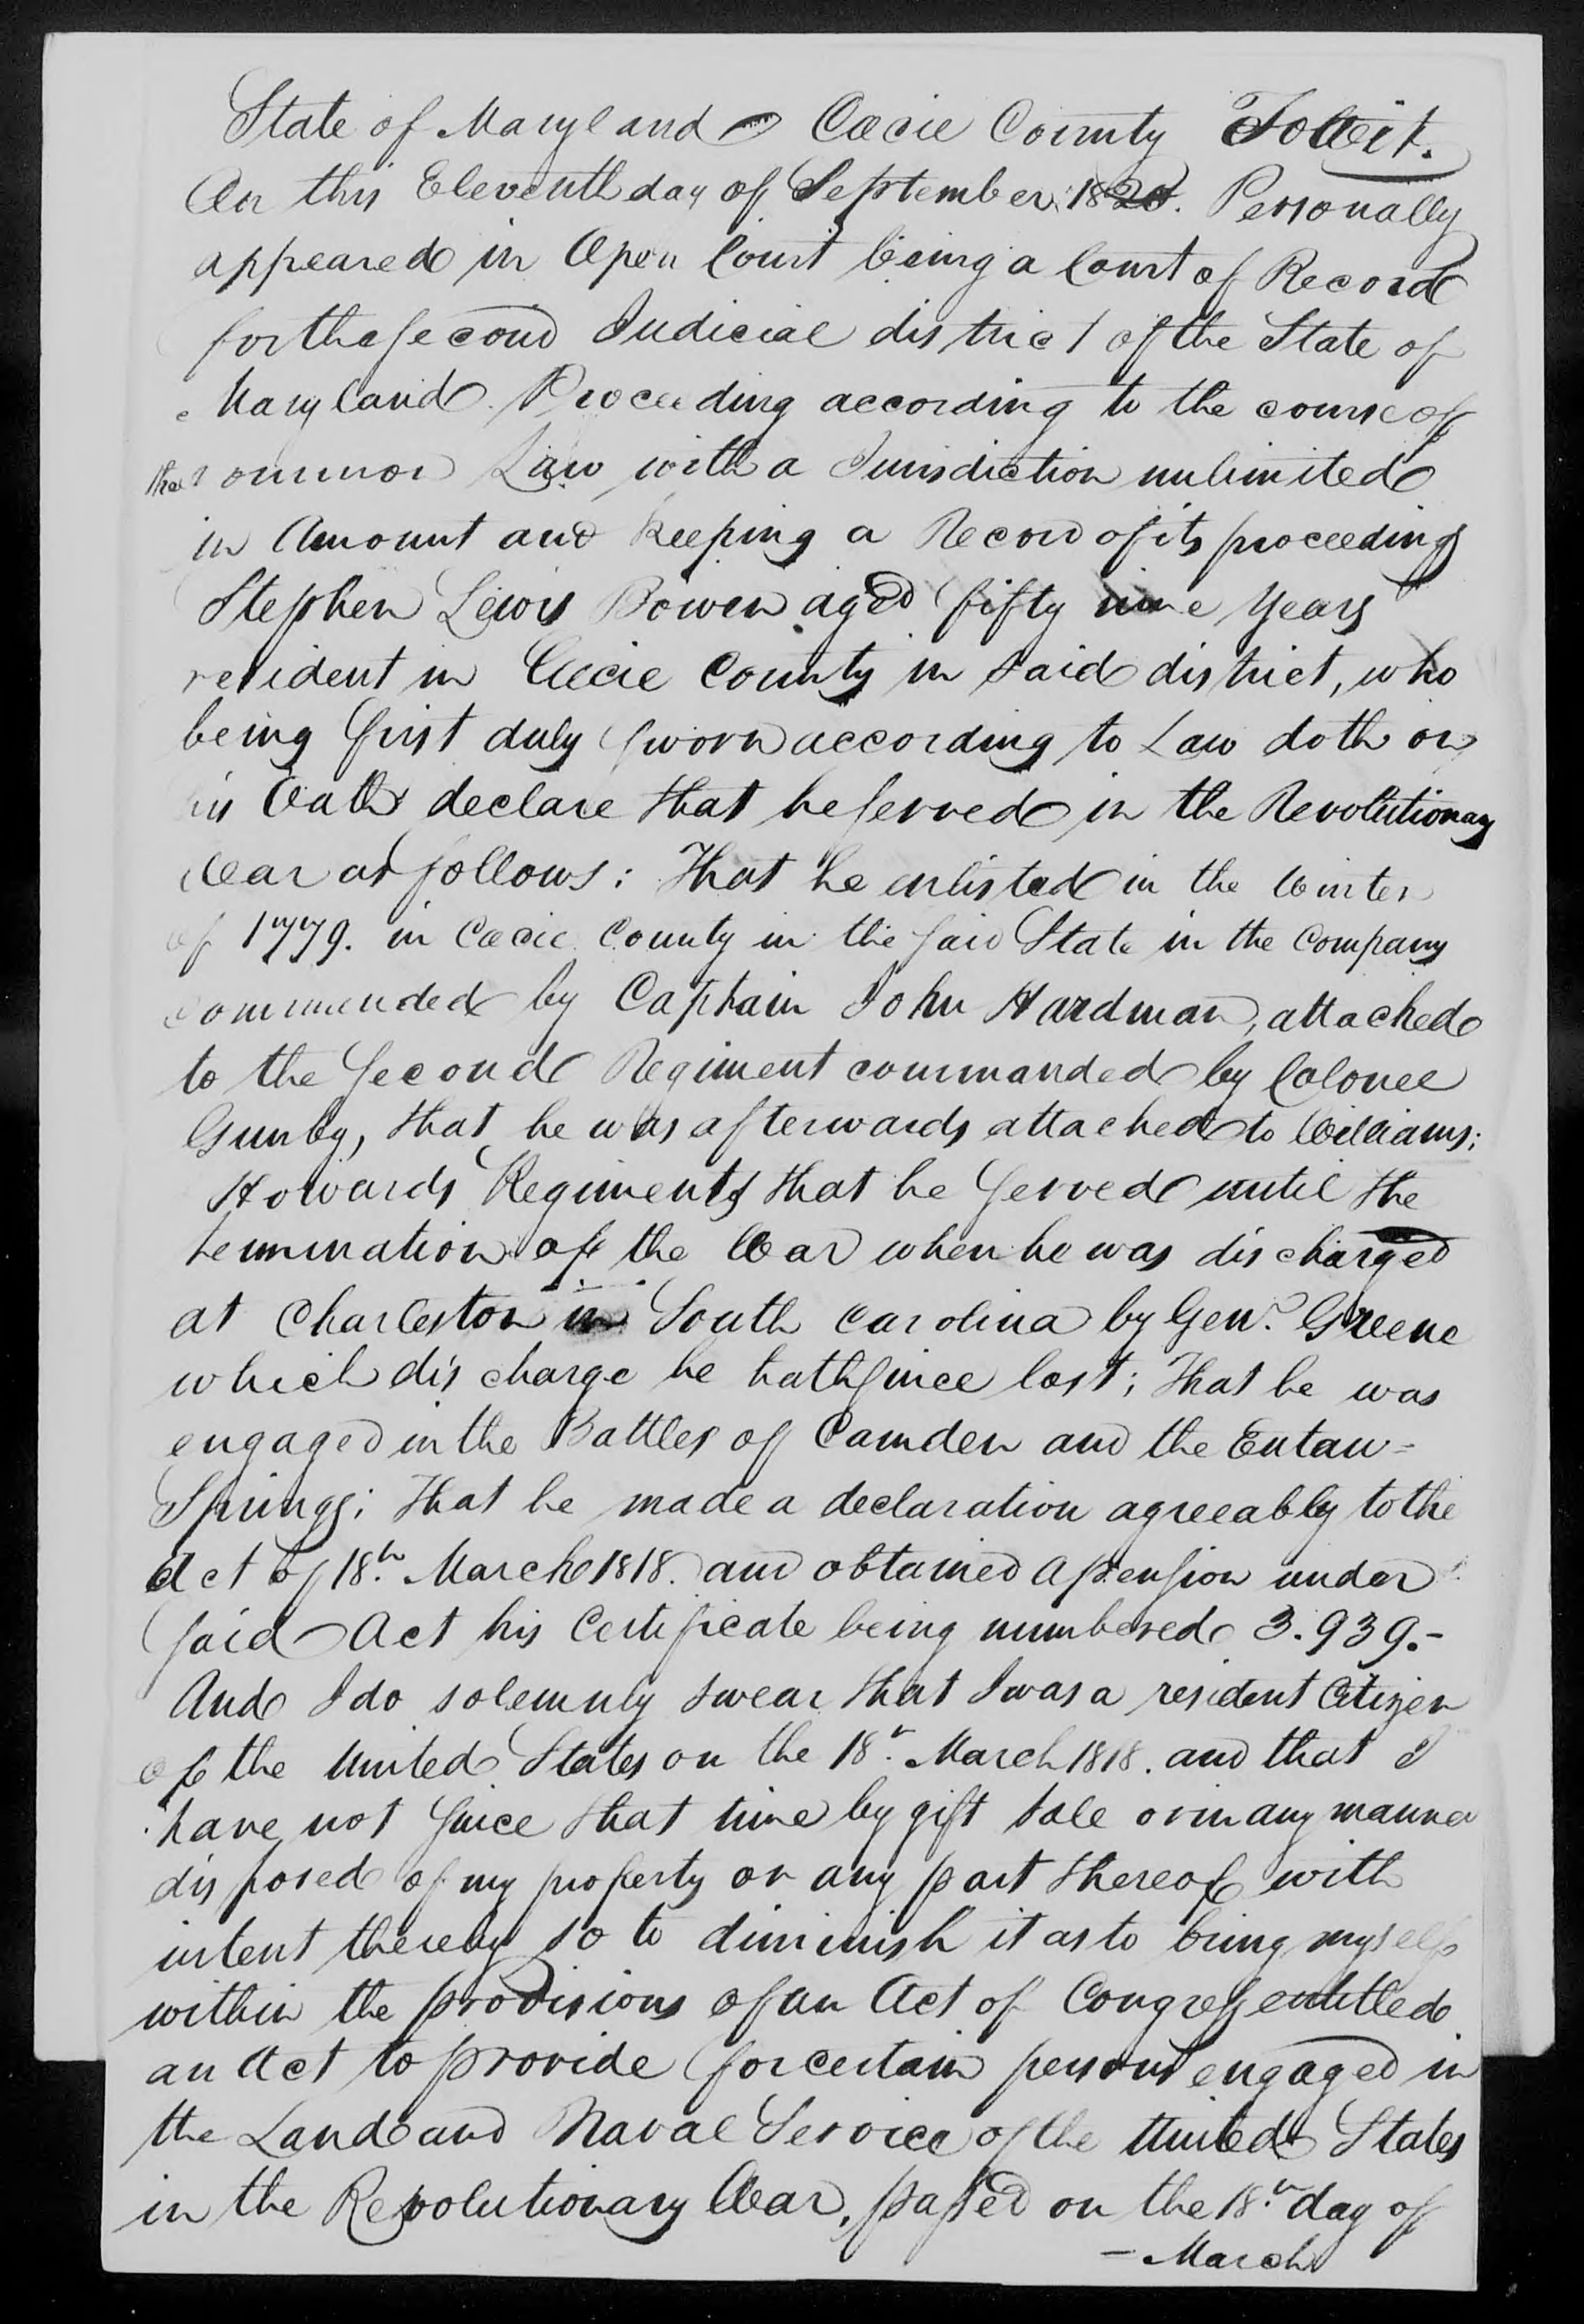State of Maryland  Cecil County Fotteit
On the eleventh day of September 1820.  Personally
appeared in Open court being a court of Record
for the second Judicial district of the State of
Maryland Proceeding according to the court of
the [???] Law with a jurisdiction unlimited
in Amount and keeping a record of its proceeding
Stephen Lewis Bowen aged fifty nine years
resident of Cecil County in said district, who
being first duly sworn according to Law doth on
in Oath declare that he served in the Revolutionary
War and follows:  That he enlisted in the United
of 1779 in Cecil county in the fair State in the company
commanded by Captain John Hardman attached
to the Second Regiment commanded by Colonel
Gunby, that he was afterwards attached to William
Howards Regiment that he served until the 
lemundation of the war when he was discharged
at Charleston in South Carolina by Gen. Greene
which discharge he hath since lost; that he was
engaged in the Battles of Camden and the Eutaw
Springs. That he made a declaration agreeably to the
Act of 18th March 1818 and obtained a pension under
said Act his certificate being numbered 3.939.
And I do solemnly swear that I was a resident citizen
of the United States on the 18th March 1818 and that I
have not since that time by gift sale or in any manner
disposed of my property or any part thereof with
intent thereby so to diminish it as to bring myself
within the provision of an Act of Congress entitled 
To an act to provide for certain persons engaged in
the Land and Naval Service of the United States
in the Revolutionary War paper on the 18th day of 
March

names: Stephen Lewis Bowen, John Hardman, Greene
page: 5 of 11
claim: survivor's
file: S. 34,661, Stephen Lewis Bowen, Md.